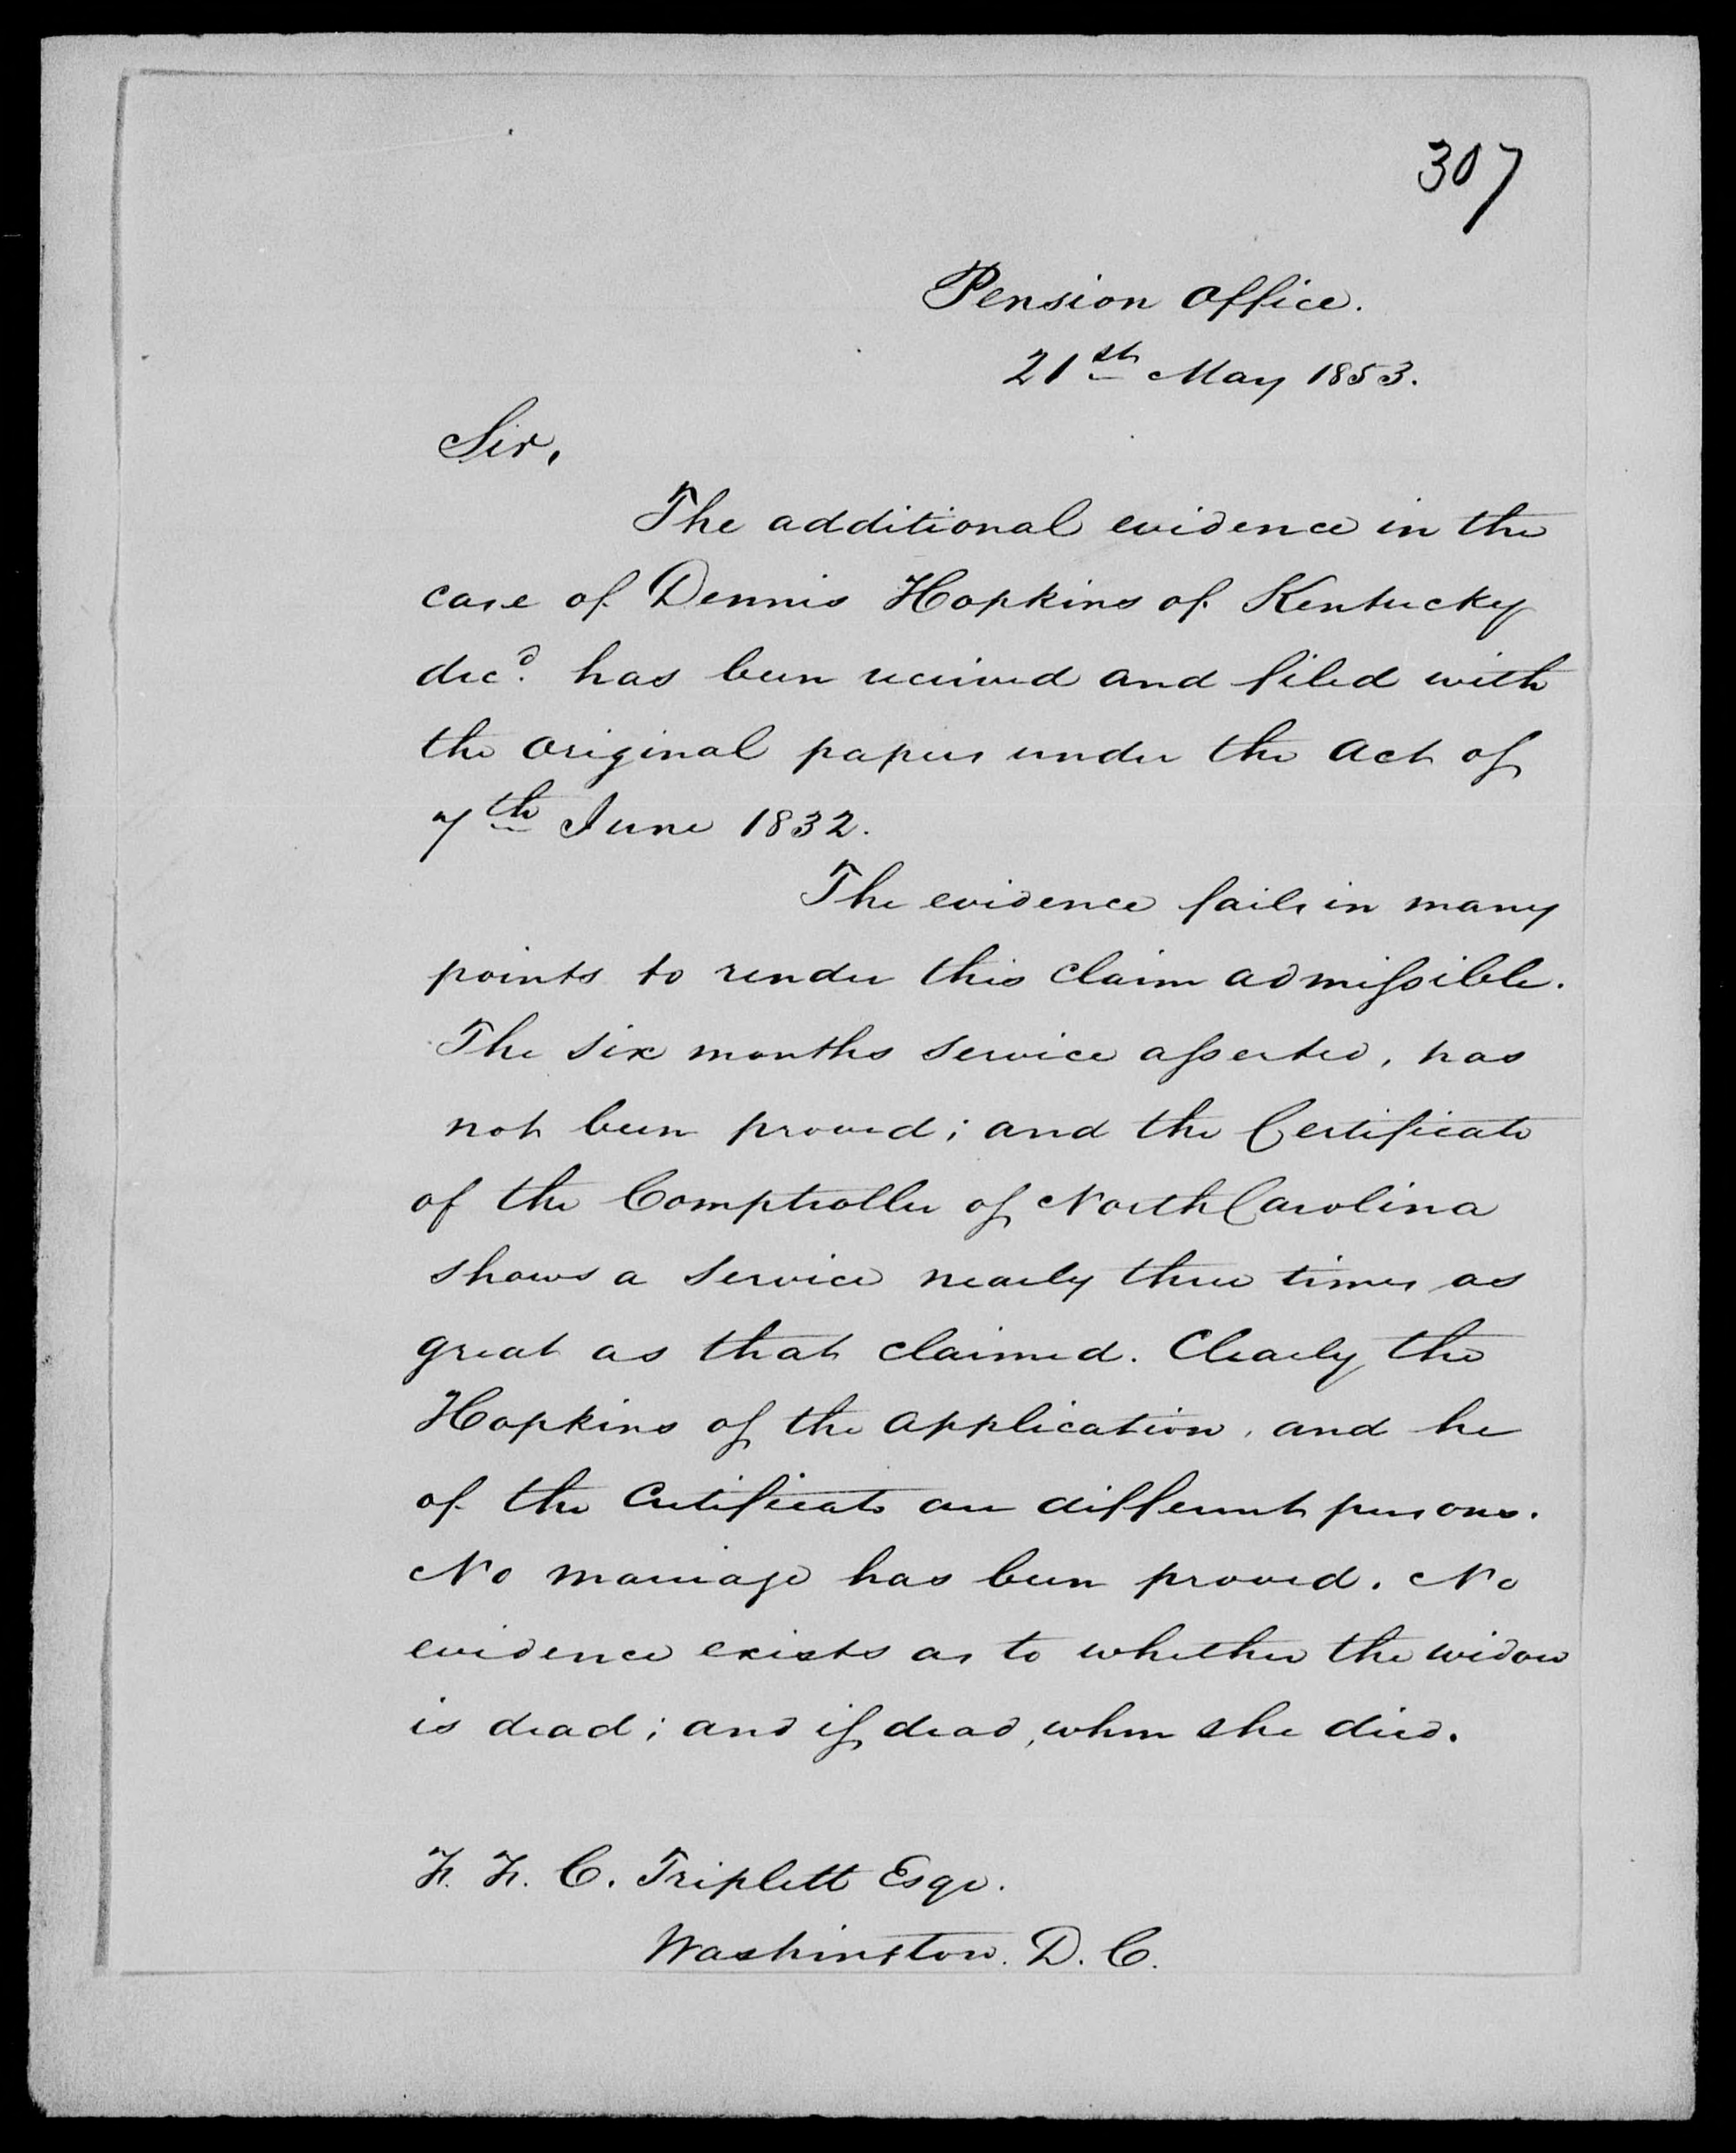307
Pension Office
21st May 1853

Sir
The additional evidence in the case of Dennis Hopkins of Kentucky decd has been received and filed with the original papers under the act of 7th June 1832.
The evidence fails in many points to render this claim admissible. The six months service asserted, has not been proved, and the Certificate of the Comptroller of North Carolina shows a service nearly three times as great as that claimed. Clearly the Hopkins of the application, and he of the certificate are different persons. No Marriage has been proved. No evidence exists as to whether the widow
is dead, and is dead, when she died.
F.F.C. Triplett Esqr
Washington, D.C.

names: Dennis Hopkins, F F C Triplett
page: 35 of 144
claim: rejected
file: R. 5208, Dennis Hopkins, N.C.